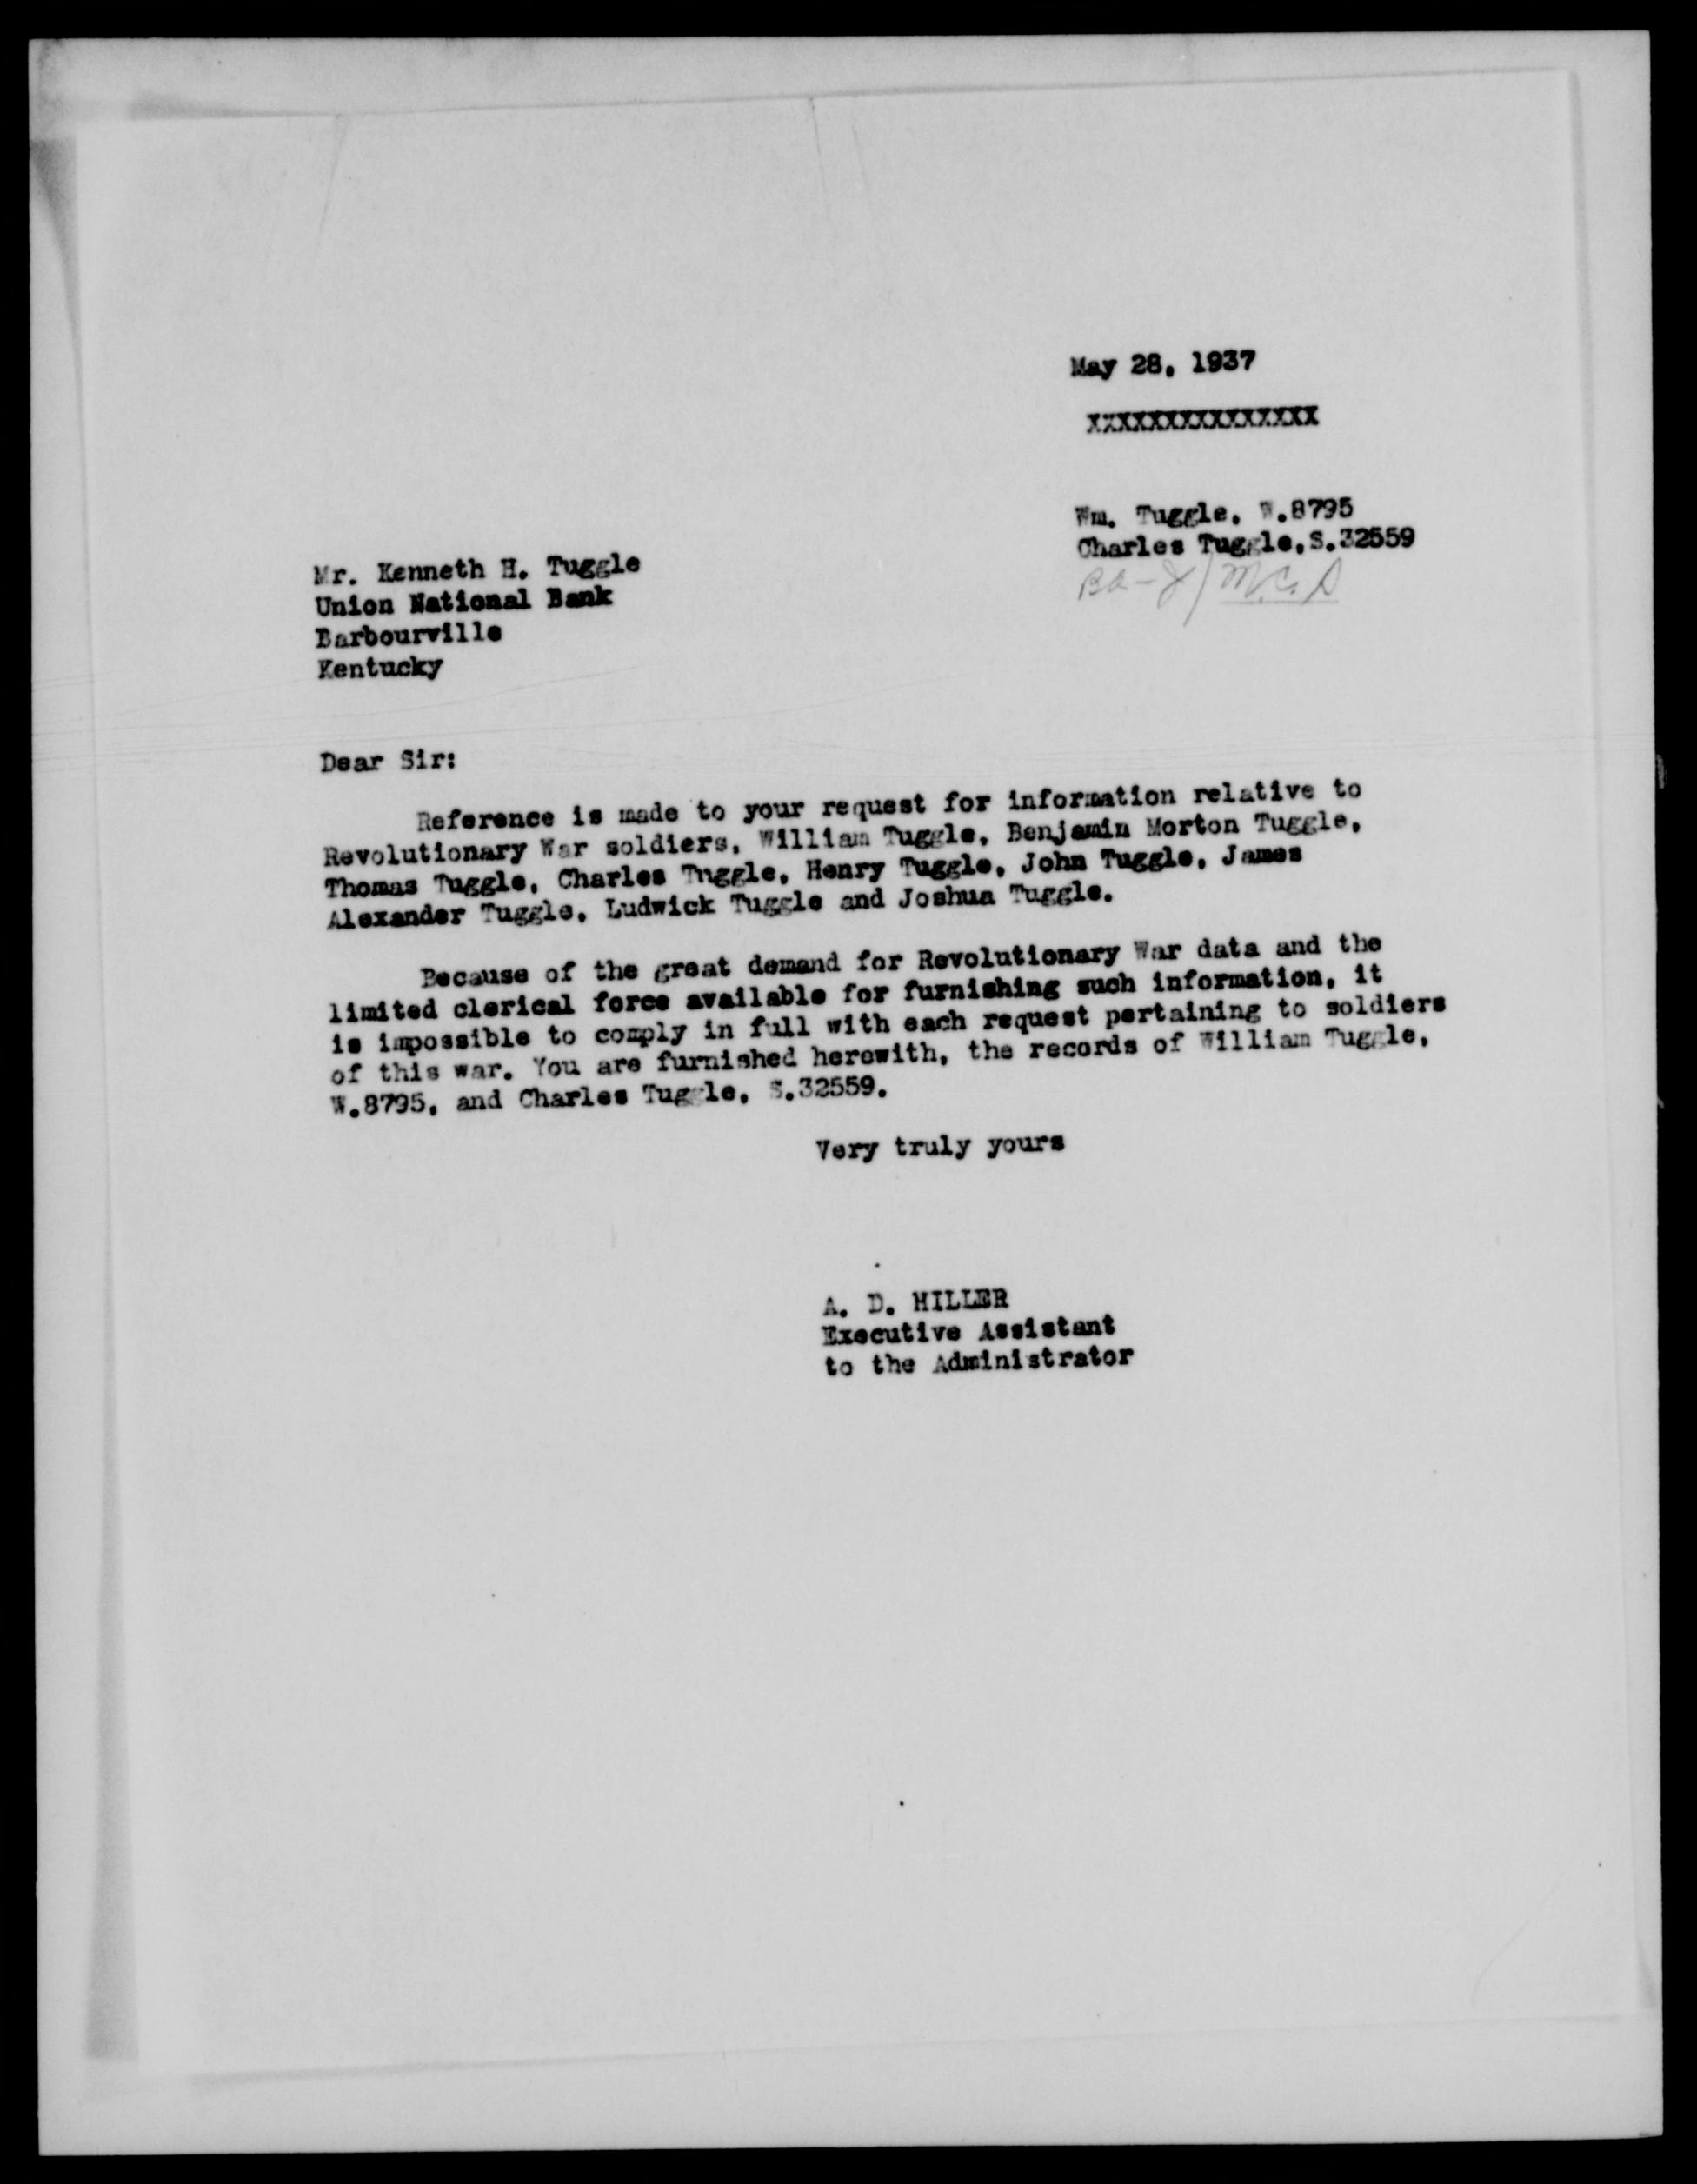May 28, 1937
Wm. Tuggle, W.8795
Charles Tuggle, S.32559
Ba-J/M.CD

Mr. Kenneth H. Tuggle
Union National Bank
Barbourville
Kentucky

Dear Sir:
Reference is made to your request for information relative to
Revolutionary War soldiers, William Tugle, Benjamin Morton Tuggle,
Thomas Tuggle, Charles Tuggle, Henry Tuggle, John Tuggle, James
Alexander Tuggle, Ludwick Tuggle and Joshua Tuggle.
Because of the great demand for Revolutionary War data and the
limited clerical force available for furnishing such information, it
is impossible to comply in full with each request pertaining to soldiers
of this war. You are furnished herewith, the records of William Tuggle,
W.8795, and Charles Tuggle, S. 32559.
Very truly yours
A. D. HILLER
Executive Assistant
to the Administrator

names: John Tuggle, Benjamin Morton Tuggle, William Tuggle, Charles Tuggle, A D Hiller, Henry Tuggle, Charles Tuggle, Ludwick Tuggle, Kenneth H Tuggle, James Alexander Tuggle, Thomas Tuggle, Joshua Tuggle, Charles Tuggle, William Tuggle, Wm Tuggle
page: 21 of 23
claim: survivor's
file: S. 32559, Charles Tuggle, Va.